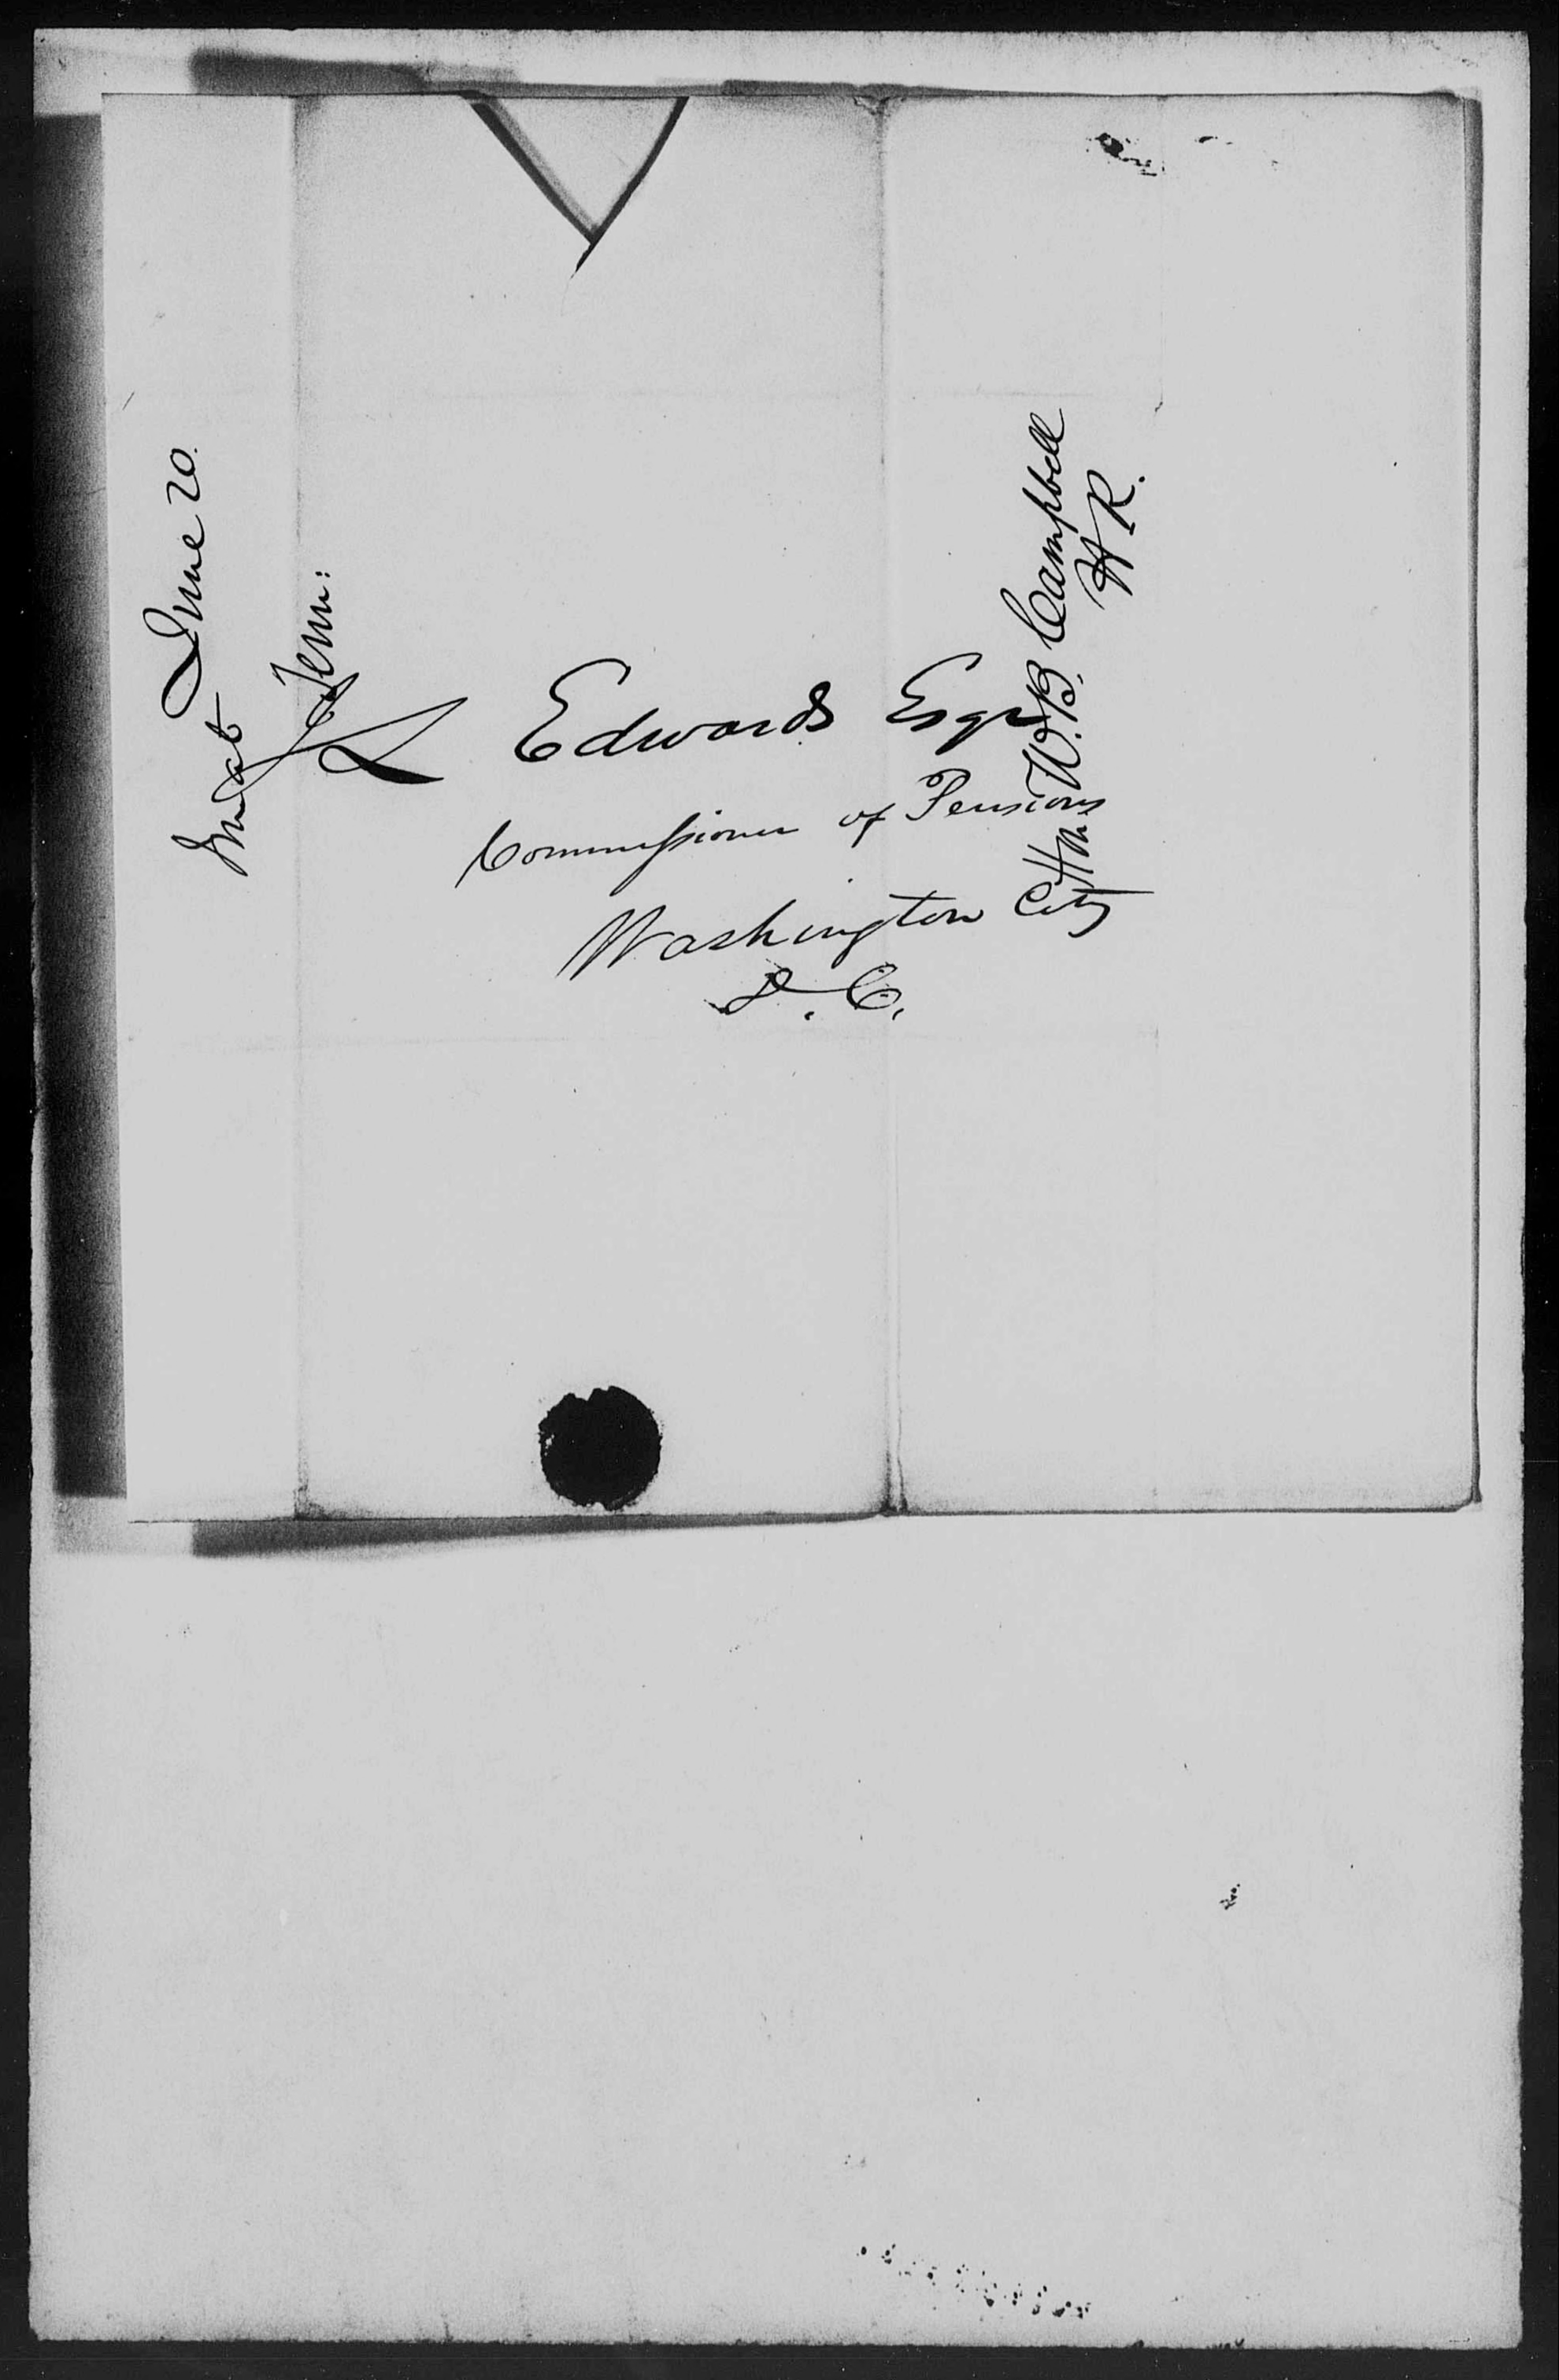[illegible]
Tenn.
[centered horizontal]
J L Edwards Esq
Commissioner of Pensions
Washington City
D.C.
[handwritten on the left vertically]
Honorable W. B. Campbell
H.R.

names: J L Edwards, W B Campbell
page: 37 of 62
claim: widow's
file: W 7005, Frederick Debow, N.C.